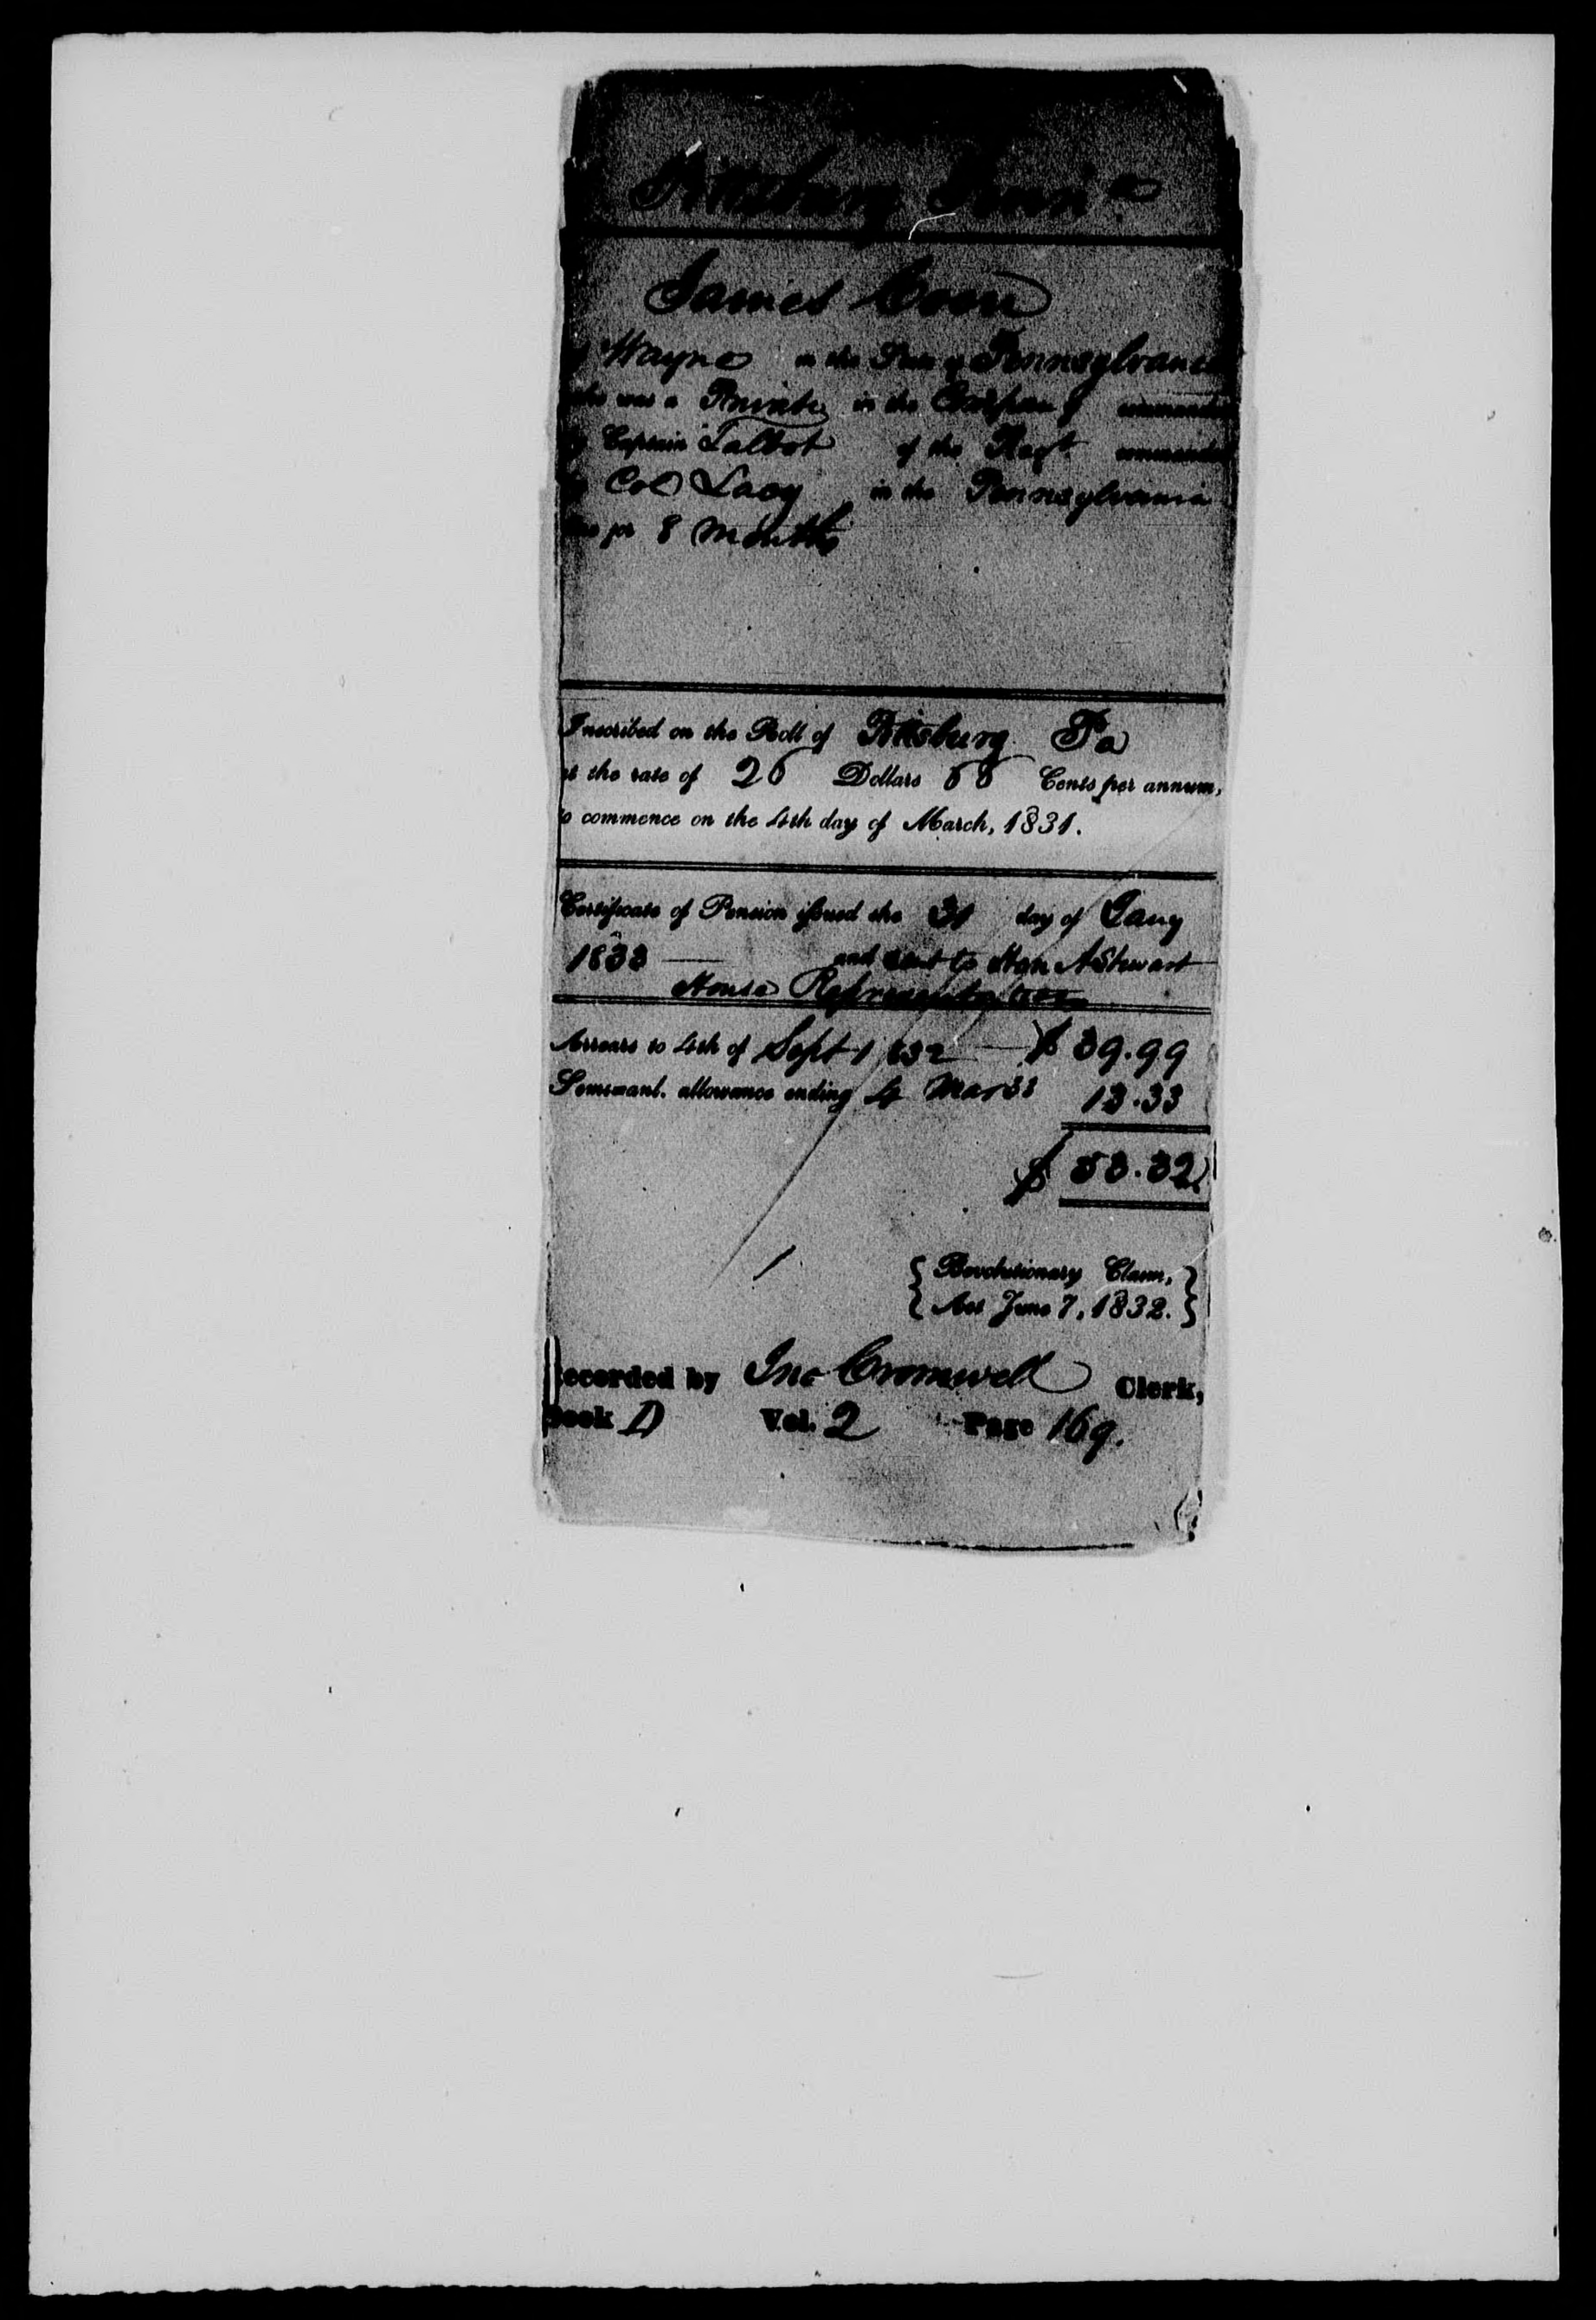{Illegible}
James Coen
Hayne in the State of Pennsylvania
who was a Private in the {Illegible}
Captain Talbot of the {Illegible}
Col. Lacy in the Pennsylvannia
for 8 months
inscribed on the roll of {Illegible} Pa
at the rate of 26 Dollars 66 Cents per annum
to commence on the 4th day of March, 1831
Certficate of Pension fund the 31 day of Jany
1833 and sent to attn A. Stewart
House Representative
Arrears to 4th Sept. 1832.   $39.99
Semiannual allowance ending 4 Mar 33 13.33
$53.32
Revolutionary Claim
Act June 7,  1832

Recorded by Jno Cromwell Clerk
Book D Vol. 2. Page 169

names: Jno Cromwell, A Stewart, James Coen, Talbot, Lacy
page: 3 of 9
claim: survivor's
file: S. 2139, James Coen, Penn.